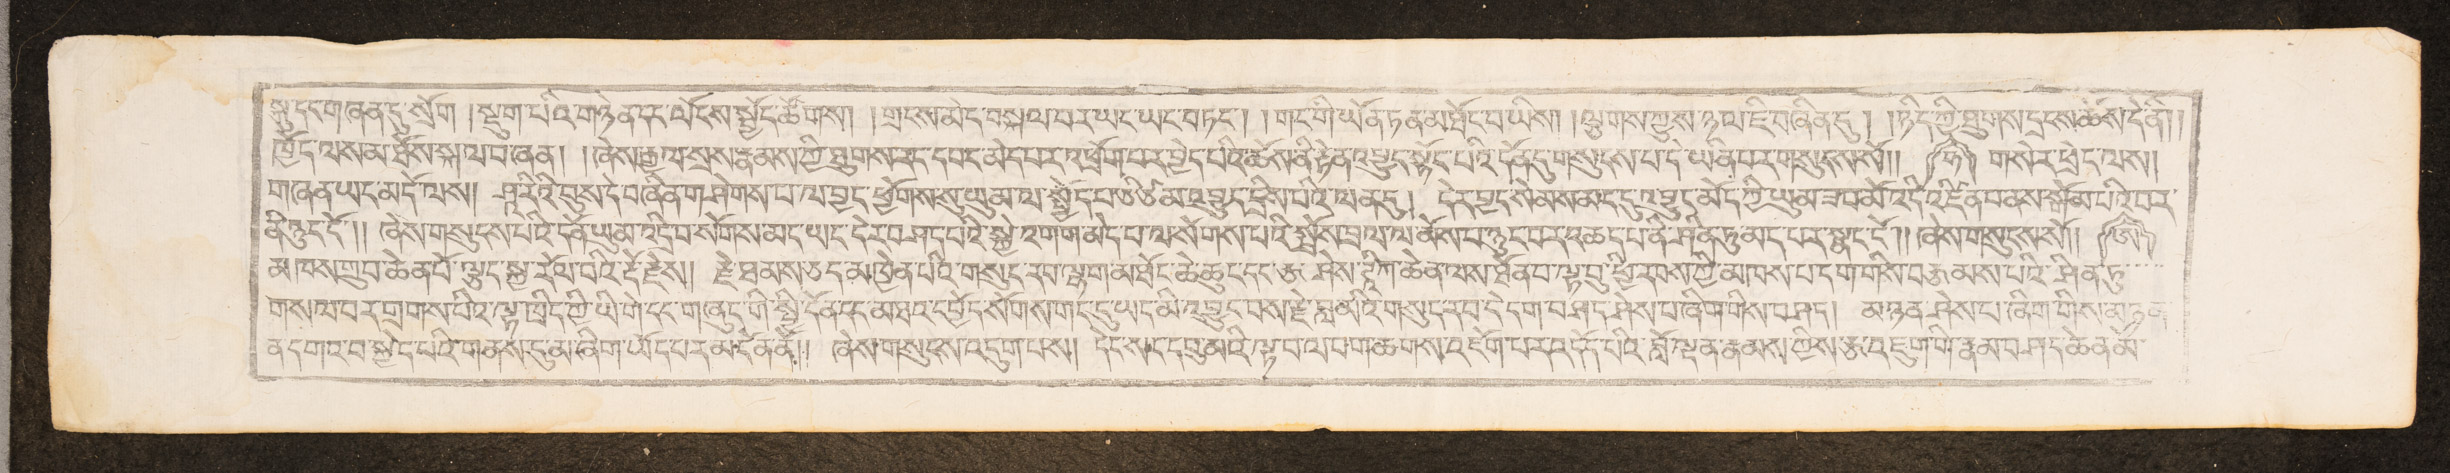སྐུ་དང་གཞན་དུ་སྲོག། སྡུག་པའི་གཉེན་དང་ལོངས་སྤྱོད་ཚོགས། །གྲངས་མེད་བསྐལ་བར་ཡང་ཡང་བཏང་། །གང་གི་ཡོན་ཏན་མཐོང་བ་ཡིས། །ལྕགས་ཀྱུས་ཉལ་ཇི་བཞིན་དུ། །ཉིད་ཀྱི་ཐུགས་དྲངས་ཆོས་ནི་
ཁྱོད་ལས་མ་ཐོས་སྐལ་བ་ཞན། །ཞེས་རྒྱལ་སྲས་རྣམས་ཀྱི་ཐུགས་རང་དབང་མེད་པར་འཕྲོག་པར་བྱེད་པའི་ཆོས་ནི་རྟེན་འབྱུང་སྟོང་པའི་དོན་དུ་གསུངས་པ་དེ་ཡིན་པར་གསུངས་སོ།། ༼༽ཧ༼༽ གསེར་ཕྲེང་ལས།
གཞན་ཡང་མདོ་ལས། ཤའ་རིའི་བུས་དེ་བཞིན་གཤེགས་པ་ལ་བྱང་ཕྱོགས་སུ་ཡུམ་ལ་སྤྱོད་པ་ཙི་ཙམ་འབྱུང་དྲིས་པའི་ལན་དུ། དེར་བྱང་སེམས་མང་དུ་འབྱུང་མོད་ཀྱི་ཡུམ་ཟབ་མོ་འདི་འཛིན་པ་ནས་སྒོམ་པའི་བར་
ནི་ཉུང་ངོ།། ཞེས་གསུངས་པའི་དོན་ཡུམ་འདྲི་བ་སོགས་མང་ཡང་དེར་བཤད་པའི་སྐྱེ་འགོག་མེད་པ་ལ་སོགས་པའི་སྤྲོས་བྲལ་ལ་མོས་པ་ཉུང་བར་འཆད་པ་ནི་ཤིན་ཏུ་མེད་པར་སྣང་ངོ། །ཞེས་གསུངས་སོ།། ༼༽ཨ༼༽
མཁས་གྲུབ་ཆེན་པོ་ལྕང་སྐྱ་རོལ་བའི་རྡོ་རྗེས། རྗེ་ཐམས་ཅད་མཁྱེན་པའི་གསུང་རབ་ལྷག་མཐོང་ཆེ་ཆུང་དང་རྩ་ཤེས་ཏའིཀ་ཆེན་ལས་ཐོན་པ་ལྟ་བུ་ཕྱི་རབས་ཀྱི་མཁས་པ་བདག་གིས་བརྩམས་པའི་ཤིན་ཏུ་
གསལ་བར་གྲགས་པའི་ལྟ་ཁྲིད་ཀྱི་ཡི་གེ་དང་གཞུང་གི་སྤྱི་དོན་དང་མཐའ་དཔྱོད་སོགས་གང་དུ་ཡད་མི་འབྱུང་བས་རྗེ་བླ་མའི་གསུང་རབ་དེ་དག་ཤེས་པ་ཞིག་གིས་བཤད། མཉན་ཤེས་པ་ཞིག་གིས་མཉན་
ན་དགའ་བ་སྐྱེད་པའི་གནས་བུམ་ཞིག་ཡོད་པར་མངོན་ནོ།། ཞེས་གསུངས་འདུག་པས། དེང་སང་དབུ་མའི་ལྟ་བ་ལ་བག་ཆགས་འཇོག་པར་འདོད་པའི་བློ་ལྡན་རྣམས་ཀྱིས་རྩ་འཇུག་གི་རྣམ་བཤད་ཆེན་མོ་